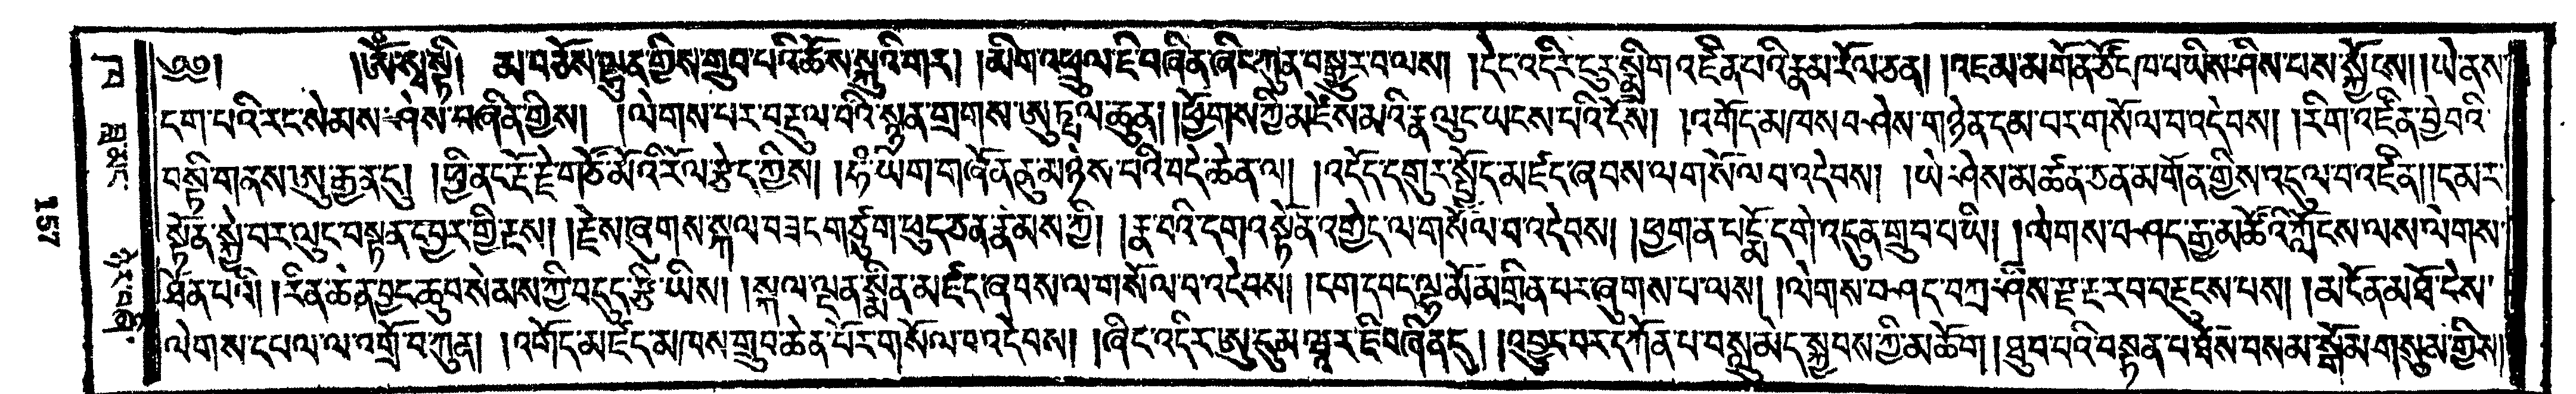༄༅། །ཨོཾ་སྭ་སྟི། མ་བཅོས་ལྷུན་གྱིས་གྲུབ་པའི་ཆོས་སྐུའི་གར། །མིག་འཕྲུལ་ཇི་བཞིན་ཞིང་ཀུན་བསྒྱུར་བ་ལས། །དེང་འདིར་ངུར་སྨྲིག་འཛིན་པའི་རྣམ་རོལ་ཅན། །འཇམ་མགོན་ཙོང་ཁ་པ་ཡིས་ཤིས་པས་སྐྱོངས། །ཡེ་ནས་
དག་པའི་རང་སེམས་ཤེས་བཞིན་གྱིས། །ལེགས་པར་བརྡུལ་པའི་སྙན་གྲགས་ཨུཏྤལ་ཆུན། །ཕྱོགས་ཀྱི་མཛེས་མའི་རྣ་ལུང་ཡངས་པའི་ངོས། །འགོད་མཁས་བཤེས་གཉེན་དམ་པར་གསོལ་བ་འདེབས། །རིག་འཛིན་བྱེ་བའི་
བསྟི་གནས་ཨུ་རྒྱན་དུ། །ཕྱི་ནང་རྡོ་རྗེ་གཙོ་མོའི་རོལ་རྩེད་ཀྱིས། །ཧཾ་ཡིག་གཞོན་ནུ་མཉེས་པའི་བདེ་ཆེན་ལ། །འདོད་དགུར་སྤྱོད་མཛད་ཞབས་ལ་གསོལ་བ་འདེབས། །ཡེ་ཤེས་མཚན་ཅན་མགོན་གྱིས་འདུལ་བ་འཛིན། །དམར་
སྟོན་སྐྱེ་བར་ལུང་བསྟན་དབྱར་གྱི་རྔས། །རྗེས་ཞུགས་སྐལ་བང་གཙུག་ཧུད་ཅན་རྣམས་ཀྱི། །རྣ་བའི་དགའ་སྟོན་འགྱེད་ལ་གསོལ་བ་འདེབས། །ཕྱག་ན་པདམོ་དགེ་འདུན་གྲུབ་པ་ཡི། །ལེགས་བཤད་རྒྱ་མཚོའི་ཀློངས་ལས་ལེགས་
ཐོན་པའི། །རིན་ཆེན་བྱང་ཆུབ་སེམས་ཀྱི་བདུད་རྩི་ཡིས། །སྐལ་ལྡན་སྨིན་མཛད་ཞབས་ལ་གསོལ་བ་འདེབས། །ངག་དབང་ལྷ་མོ་མགྲིན་པར་ཞུགས་པ་ལས། །ལེགས་བཤད་བཀྲ་ཤིས་རྫ་རྔ་རབ་བརྡུངས་པས། །མངོན་མཐོ་ངེས་
ལེགས་དཔལ་ལ་འགྲོ་བ་ཀུན། །འགོད་མཛད་མཁས་གྲུབ་ཆེན་པོར་གསོལ་བ་འདེབས། །ཞིང་འདིར་ཨུ་དུ་མ་ཝཱར་ཇི་བཞིན་དུ། །འབྱུང་བར་དཀོན་པ་བསླུ་མེད་སྐྱབས་ཀྱི་མཆོག །ཐུབ་པའི་བསྟན་པ་ཐོས་བསམ་སྒོམ་གསུམ་གྱིས།